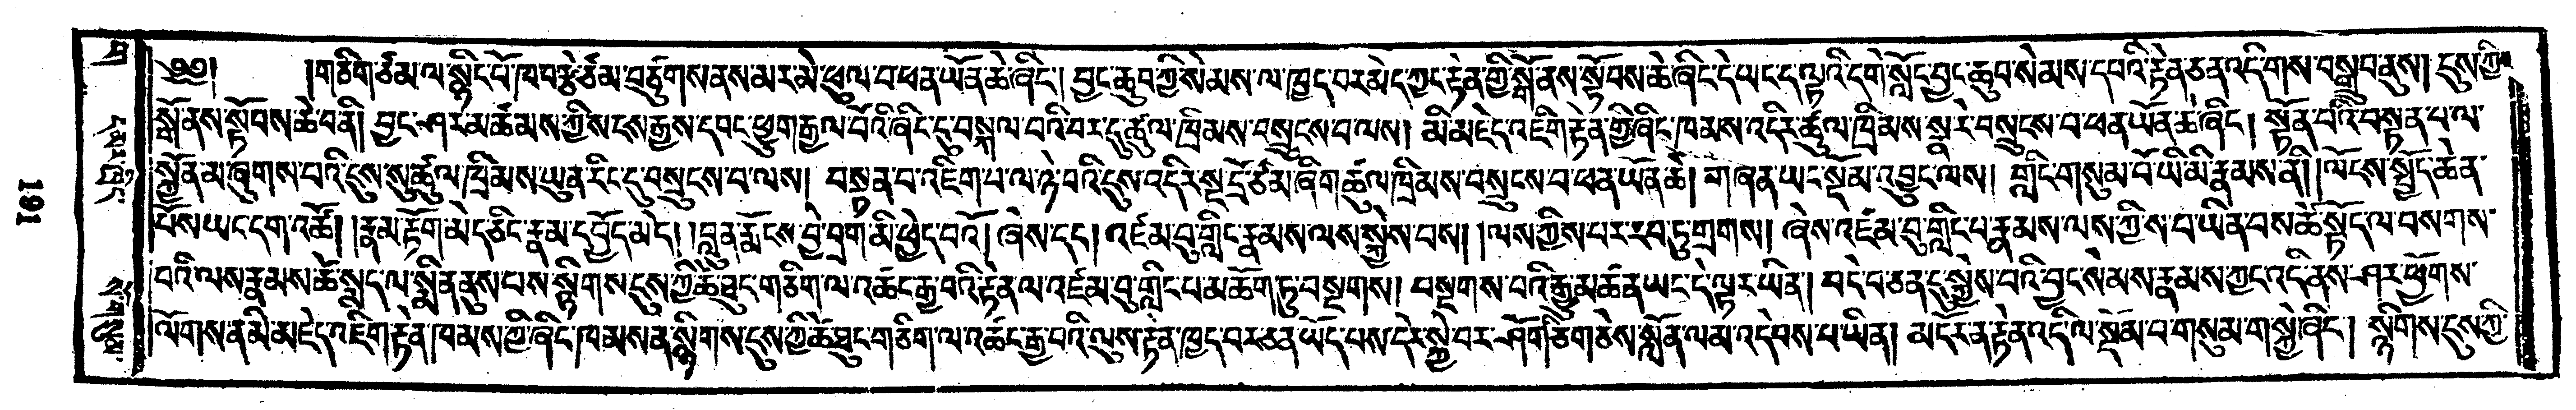༄༅། །གཅིག་ཙམ་ལ་སྙིང་པོ་ཁ་བརྩེ་ཙམ་བཙུགས་ནས་མར་མེ་ཕུལ་བ་ཕན་ཡོན་ཆེ་ཞིང་། བྱང་ཆུབ་ཀྱི་སེམས་ལ་ཁྱད་པར་མེད་ཀྱང་རྟེན་གྱི་སྒོ་ནས་སྟོབས་ཆེ་ཞིང་དེ་ཡང་ད་ལྟའི་དགེ་སློང་བྱང་ཆུབ་སེམས་དཔའི་རྟེན་ཅན་འདི་གས་བསྒྲུབ་ནུས། དུས་ཀྱི་
སྒོ་ནས་སྟོབས་ཆེ་བ་ནི། བྱང་ཤར་མཚམས་ཀྱི་སངས་རྒྱས་དབང་ཕྱུག་རྒྱལ་བོའི་ཞིང་དུ་བསྐལ་བའི་བར་དུ་ཚུལ་ཁྲིམས་བསྲུངས་བ་ལས། མི་མཛེད་འཇིག་རྟེན་གྱི་ཞིང་ཁམས་འདིར་ཚུལ་ཁྲིམས་སྣ་རེ་བསྲུངས་བ་ཕན་ཡོན་ཆེ་ཞིང་། སྟོན་པའི་བསྟན་པ་ལ་
སྐྱོན་མ་ཞུགས་པའི་དུས་སུ་ཚུལ་ཁྲིམས་ཡུན་རིང་དུ་བསྲུངས་བ་ལས། བསྟན་བ་འཇིག་པ་ལ་ཉེ་བའི་དུས་འདིར་སྔ་དྲོ་ཙམ་ཞིག་ཚུལ་ཁྲིམས་བསྲུངས་བ་ཕན་ཡོན་ཆེ། གཞན་ཡང་སྡོམ་འབྱུང་ལས། གླིང་གསུམ་པོ་ཡི་མི་རྣམས་ནི། །ལོངས་སྤྱོད་ཆེན་
པོས་ཡང་དག་འཚོ། །རྣམ་རྟོག་མེད་ཅིང་རྣམ་དབྱོད་མེད། །བླུན་རྨོངས་བྱེ་བྲག་མི་ཕྱེ་བའོ། །ཞེས་དང་། འཛམ་བུ་གླིང་རྣམས་ལས་སྐྱེས་བས། །ལས་ཀྱིས་པར་རབ་ཏུ་གྲགས། ཞེས་འཛམ་བུ་གླིང་པ་རྣམས་ལས་ཀྱི་སྤ་ཡིན་པས་ཚེ་སྟོད་ལ་བསགས་
བའི་ལས་རྣམས་ཆོ་སྨད་ལ་སྨིན་ནུས་པས་སྙིགས་དུས་ཀྱི་ཚེ་ཐུང་གཅིག་ལ་འཚང་རྒྱ་བའི་རྟེན་ལ་འཛམ་བུ་གླིང་པ་མཆོག་ཏུ་བསྔགས། བསྔགས་པའི་རྒྱུ་མཚན་ཡང་དེ་ལྟར་ཡིན། བདེ་བ་ཅན་དུ་སྐྱེས་པའི་བྱང་སེམས་རྣམས་ཀྱང་འདི་ནས་ཤར་ཕྱོགས་
ལོགས་ན་མི་མཛད་འཇིག་རྟེན་ཁམས་ཀྱི་ཞིང་ཁམས་སྙིགས་དུས་ཀྱི་ཚེ་ཐུང་གཅིག་ལ་འཚང་རྒྱ་བའི་ལུས་རྟེན་ཁྱད་པར་ཅན་ཡོད་པས་དེར་སྐྱེ་བར་ཤོག་ཅིག་ཅེས་སློན་ལམ་འདེབས་པ་ཡིན། མདོར་ན་རྟེན་འདི་ལ་སྡོམ་པ་གསུམ་ག་སྐྱེ་ཞིང་། སྙིགས་དུས་ཀྱི་